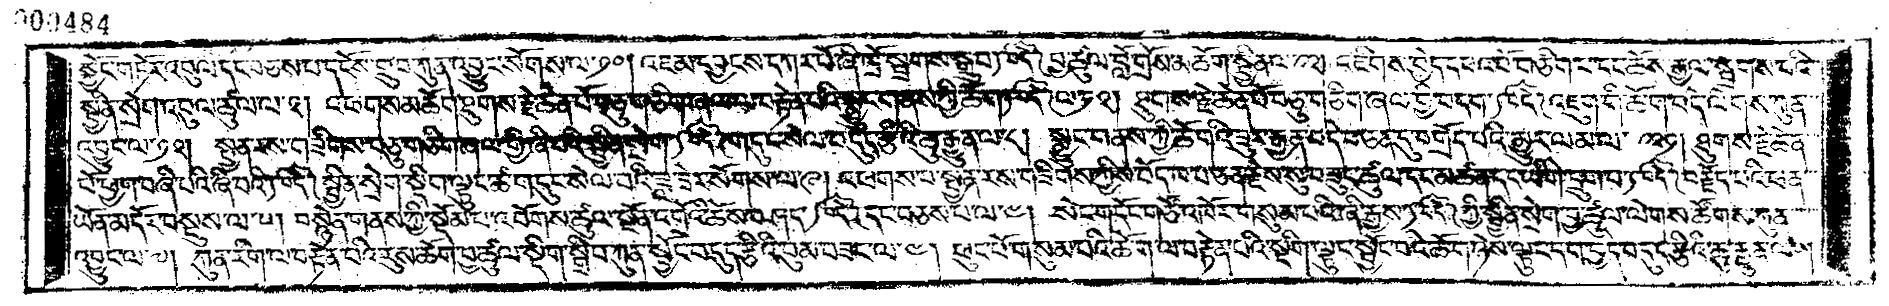སྐྱོང་གཏོར་འབུལ་དང་བཅས་པ་དངོས་གྲུབ་ཀུན་འབྱུང་སོགས་ལ ༡༠། འཇམ་དབྱངས་དཀར་པོ་ཞི་ཁྲོ་སྦྲགས་སྒྲུབ ༼བདེ༽ བྱ་ཚུལ་བློ་གྲོས་མཆོག་སྦྱིན་ལ༣། འཇིགས་བྱེད་དཔའ་པོ་གཅིག་པ་དང་ཆོས་རྒྱལ་སྦྲགས་པའི་
སྦྱིན་སྲེག་འབུལ་ཚུལ་ལ༢། འཕགས་མཆོག་ཐུགས་རྗེ་ཆེན་པོ་བཅུ་གཅིག་ཞལ་ལ་བརྟེན་པའི་སྨྱུང་གནས་ཀྱི་ཆོ་ག ༼བདེ༽ ལ༡༢། ཐུགས་རྗེ་ཆེན་པོ་བཅུ་གཅིག་ཞལ་གྱི་བདག ༼བདེ༽ འཇུག་གི་ཆོ་ག་བདེ་ལེགས་ཀུན་
འབྱུང་ལ ༡༢། སྤྱན་རས་གཟིགས་བཅུ་གཅིག་ཞལ་གྱི་ཞི་བའི་སྦྱིན་སྲེག ༼བདེ༽ གདུང་སེལ་བདུད་རྩིའི་ཆུ་རྒྱུན་ལ༨། སྨྱུང་གནས་ཀྱི་ཆོ་གའི་ཟུར་རྒྱན་བདེ་བ་ཅན་དུ་བགྲོད་པའི་མྱུར་ལམ་ལ༣༡། ཐུགས་རྗེ་ཆེན་
པོ་ཕྱག་བཞི་པའི་ཞི་བའི ༼བདེ༽ སྦྱིན་སྲེག་སྡིག་ལྟུང་ཚ་གདུང་སེལ་བའི་ཟླ་ཟེར་སོགས་ལ ༩། འཕགས་པ་སྤྱན་རས་གཟིགས་ཀྱིས་བོད་ཁ་པ་ཅན་རྗེས་སུ་བཟུང་ཚུལ་དང་མཚན་དང་ཡི་གེ་དྲུག་པ ༼བདེ༽ བརྗོད་པའི་ཕན་
ཡོན་མདོར་བསྡུས་ལ༥། བསྙེན་གནས་ཀྱི་སྡོམ་པ་འབོགས་ཚུལ་སྔོན་འགྲོའི་ཆོས་བཤད ༼བདེ༽ དང་བཅས་པ་ལ༤། སེང་གདོང་གཙོ་འཁོར་གསུམ་པའི་ཞི་རྒྱས ༼བདེ༽ ཀྱི་སྦྱིན་སྲེག་བྱ་ཚུལ་ལེགས་ཚོགས་ཀུན་
འབྱུང་ལ༧། ཀུན་རིག་ལ་བརྟེན་པའི་རུས་ཆོག་བྱ་ཚུལ་སྡིག་སྒྲིབ་ཀུན་སྦྱོང་བདུད་རྩིའི་བུམ་བཟང་ལ༤། ཕུང་པོ་གསུམ་པའི་ཆོ་ག་ལ་བརྟེན་པའི་སྡིག་ལྟུང་སྦྱོང་བའི་ཆོ་གཉེས་ལྟུང་དག་བྱེད་བདུད་རྩིའི་ཆུ་རྒྱུན་ལ༦།